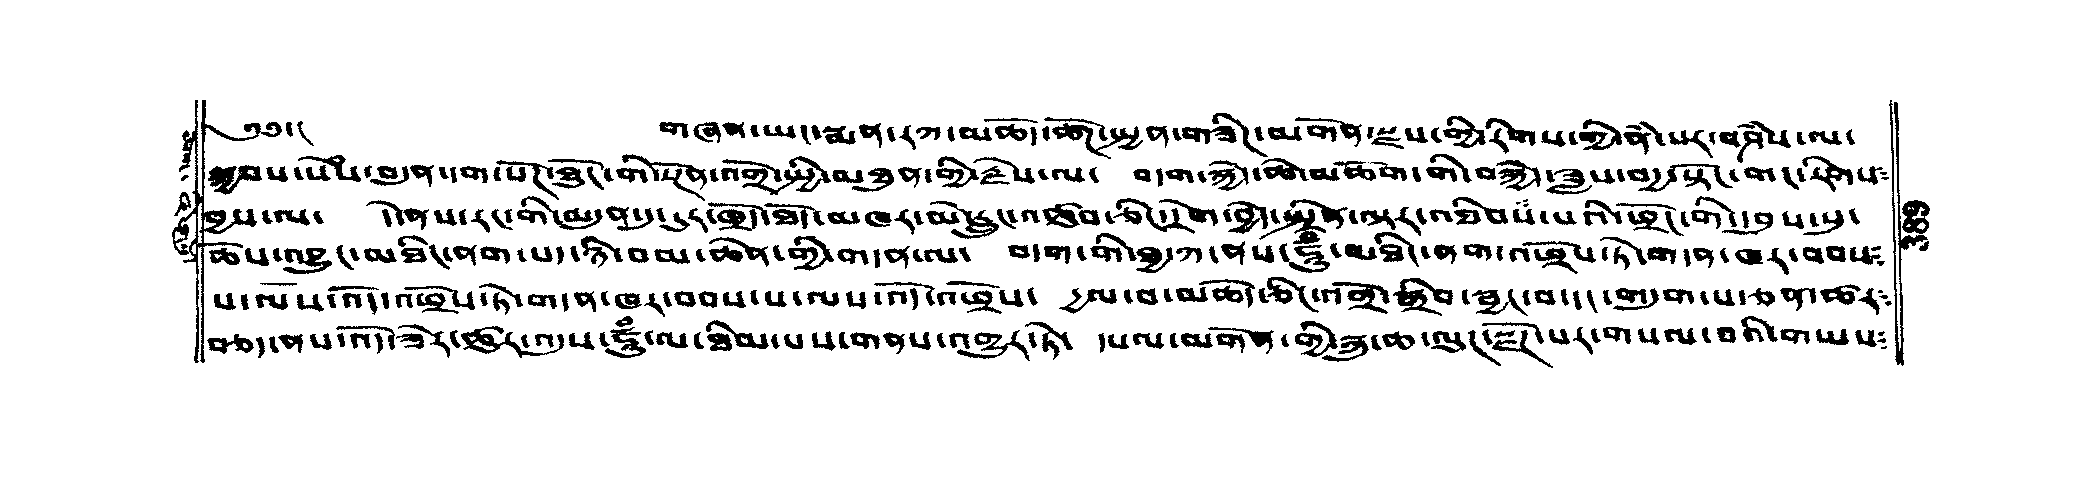གཞན་ཡང་སྨན་རཀ་མཆོད་ཚོགས་སྤྱན་གཟིགས་མགོན་རྫས་གྱི་རིགས་གྱི་ནམ་པར་བཤམས་ལ། 
སྐྱབས་སེམས་བདུན་དག་སོགས་ཐུན་མོང་གི་སྔོན་འགྲོ་སྤྱི་མཐུན་གྱི་རྗེས་ལ། བདག་བསྐྱེད་ཆེ་མཆོག་གི་བསྐྱེད་བཟླས་བརྒྱ་སྟོང་གང་རིགས་
བྱས་ལ། དེ་ནས་རང་གི་མདུན་དུ་དུར་ཁྲོད་ཐོད་མཁར་མེ་རླུང་འཚུབ་ཅིང་དྲེག་བྱེད་སྤྲིན་ལྟར་འཐིབས་པའི་ཕོ་བྲང་གི་དབུས་སུ
ཆོས་འབྱུང་མཐིང་ནག་པད་ཉི་བམ་ཆེན་གྱི་གདན་ལ། བདག་གི་ཐུགས་ཀ་ནས་ཧཱུྂ་མཐིང་ནག་འཕྲོས་ཏེ་གདན་ཁར་བབས་
པ་ལས་འོད་འཕྲོས་ཏེ་གདན་ཁར་བབས་པ་ལས་འོད་འཕྲོས་། རྒྱལ་བ་མཆོད་ཅིང་འགྲོ་སྒྲིབ་སྦྱང་བ་དང་གདུག་པ་ཅན་ཚར་
བཅད་ནས་འོད་ཟེར་ཚུར་འདུས་ཧཱུྂ་ལ་ཐིམ་པས་གནས་འགྱུར་ཏེ། དཔལ་མགོན་གྱི་ཆ་ལུགས་རྫོགས་པར་གསལ་བའི་གཡས་